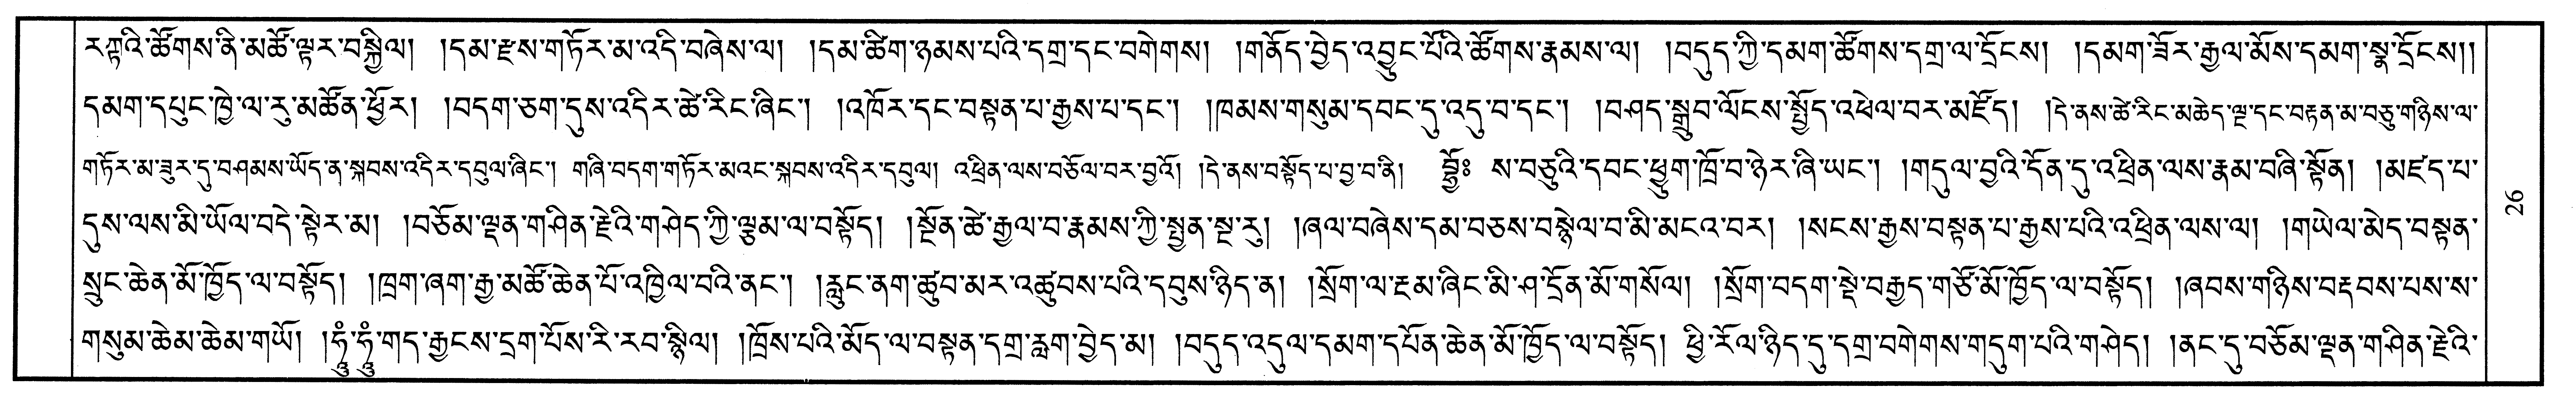རཀྟའི་ཚོགས་ནི་མཚོ་ལྟར་བསྐྱིལ། །དམ་རྫས་གཏོར་མ་འདི་བཞེས་ལ། །དམ་ཚིག་ཉམས་པའི་དགྲ་དང་བགེགས། །གནོད་བྱེད་འབྱུང་པོའི་ཚོགས་རྣམས་ལ། །བདུད་ཀྱི་དམག་ཚོགས་དགྲ་ལ་དྲོངས། །དམག་ཟོར་རྒྱལ་མོས་དམག་སྣ་དྲོངས།།
དམག་དཔུང་ཁྱེ་ལ་རུ་མཚོན་ཕྱོར། །བདག་ཅག་དུས་འདིར་ཚེ་རིང་ཞིང་། །འཁོར་དང་བསྟན་པ་རྒྱས་པ་དང་། །ཁམས་གསུམ་དབང་དུ་འདུ་བ་དང་། །བཤད་སྒྲུབ་ལོངས་སྤྱོད་འཕེལ་བར་མཛོད། །དེ་ནས་ཚེ་རིང་མཆེད་ལྔ་དང་བརྟན་མ་བཅུ་གཉིས་ལ་
གཏོར་མ་ཟུར་དུ་བཤམས་ཡོད་ན་སྐབས་འདིར་དབུལ་ཞིང་། གཞི་བདག་གཏོར་མའང་སྐབས་འདིར་དབུལ། འཕྲིན་ལས་བཅོལ་བར་བྱའོ། །དེ་ནས་བསྟོད་པ་བྱ་བ་ནི། བྷྱོཿ ས་བཅུའི་དབང་ཕྱུག་ཁྲོ་བ་ཉེར་ཞི་ཡང་། །གདུལ་བྱའི་དོན་དུ་འཕྲིན་ལས་རྣམ་བཞི་སྟོན། །མཛད་པ་
དུས་ལས་མི་ཡོལ་བདེ་སྟེར་མ། །བཅོམ་ལྡན་གཤིན་རྗེའི་གཤེད་ཀྱི་ལྕམ་ལ་བསྟོད། །སྔོན་ཚེ་རྒྱལ་བ་རྣམས་ཀྱི་སྤྱན་སྔ་རུ། །ཞལ་བཞེས་དམ་བཅས་བསྙེལ་བ་མི་མངའ་བར། །སངས་རྒྱས་བསྟན་པ་རྒྱས་པའི་འཕྲིན་ལས་ལ། །གཡེལ་མེད་བསྟན་
སྲུང་ཆེན་མོ་ཁྱོད་ལ་བསྟོད། །ཁྲག་ཞག་རྒྱ་མཚོ་ཆེན་པོ་འཁྱིལ་བའི་ནང་། །རླུང་ནག་ཚུབ་མར་འཚུབས་པའི་དབུས་ཉིད་ན། །སྲོག་ལ་རྔམ་ཞིང་མི་ཤ་དྲོན་མོ་གསོལ། །སྲོག་བདག་སྡེ་བརྒྱད་གཙོ་མོ་ཁྱོད་ལ་བསྟོད། །ཞབས་གཉིས་བརྡབས་པས་ས་
གསུམ་ཆེམ་ཆེམ་གཡོ། །ཧཱུཾ་ཧཱུཾ་གད་རྒྱངས་དྲག་པོས་རི་རབ་སྙིལ། །ཁྲོས་པའི་མོད་ལ་བསྟན་དགྲ་རླག་བྱེད་མ། །བདུད་འདུལ་དམག་དཔོན་ཆེན་མོ་ཁྱོད་ལ་བསྟོད། ཕྱི་རོལ་ཉིད་དུ་དགྲ་བགེགས་གདུག་པའི་གཤེད། །ནང་དུ་བཅོམ་ལྡན་གཤིན་རྗེའི་